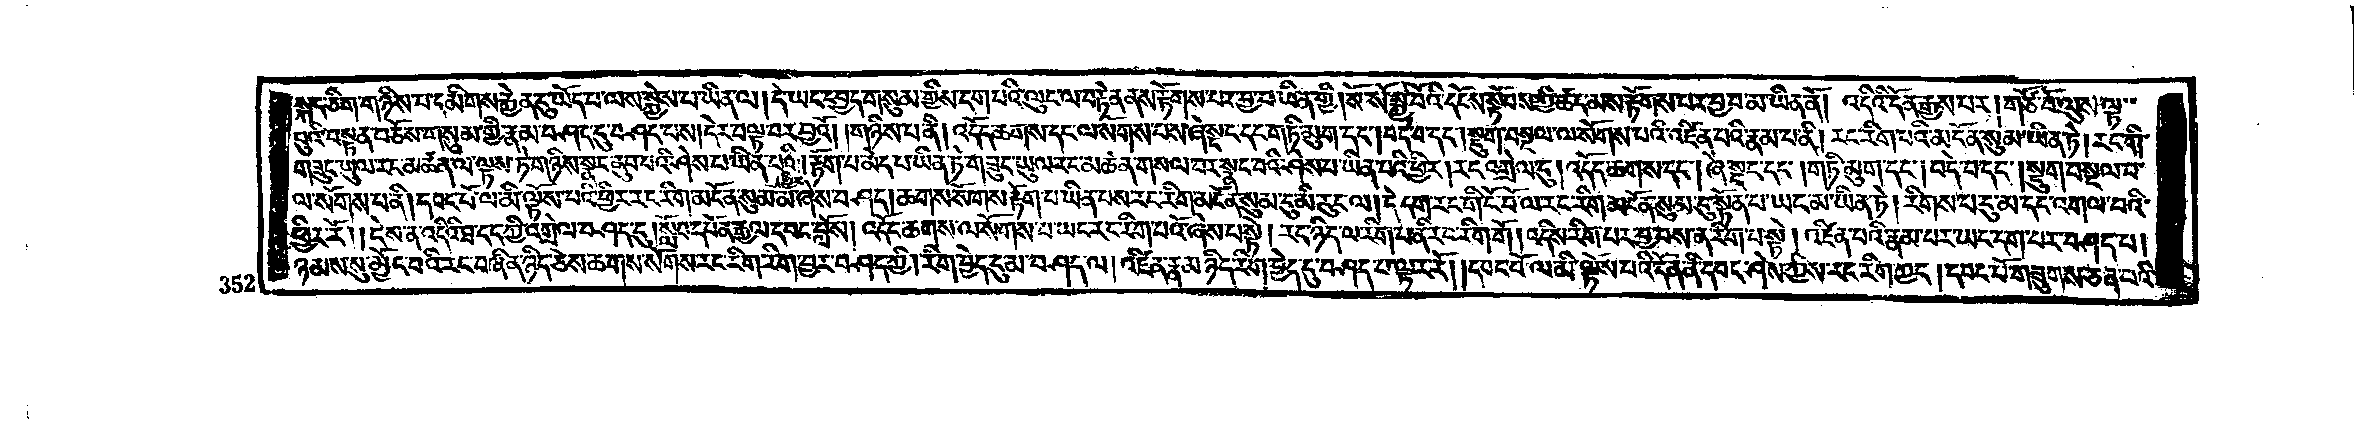སྐད་ཅིག་གཉིས་པ་དམིགས་རྐྱེན་དུ་ཡོད་པ་ལས་སྐྱེས་པ་ཡིན་ལ། དེ་ཡང་དབྱད་གསུམ་གྱིས་དག་པའི་ལུང་ལ་བརྟེན་ནས་རྟོགས་པར་བྱ་བ་ཡིན་གྱི། སོ་སོ་སྐྱེ་བོའི་དངོས་སྟོབས་ཀྱི་ཚད་མས་རྟོགས་པར་བྱ་བ་མ་ཡིན་ནོ། །འདིའི་དོན་རྒྱས་པར། གཙོ་བོ་ལུས་ལྟ་
བུའི་བསྟན་བཅོས་གསུམ་གྱི་རྣམ་བཤད་དུ་བཤད་པས། དེར་བལྟ་བར་བྱའོ། །གཉིས་པ་ནི། འདོད་ཆགས་དང་ལ་སོགས་པས་ཞེ་སྡང་དང་གཏི་མུག་དང་། བདེ་བ་དང་། སྡུག་བསྔལ་ལ་སོགས་པའི་འཛིན་པའི་རྣམ་པ་ནི། རང་རིག་པའི་མངོན་སུམ་ཡིན་ཏེ། རང་གི་
གཟུང་ཡུལ་རང་མཚན་ལ་ལྟས་ཏེ་གཉིས་སྣང་ནུས་པའི་ཤེས་པ་ཡིན་པའི་ཕྱིར། རྟོག་པ་མེད་པ་ཡིན་ཏེ་གཟུང་ཡུལ་རང་ཚན་གསལ་བར་སྣང་བའི་ཤེས་པ་ཡིན་པའི་ཕྱིར། རང་འགྲེལ་དུ། འདོད་ཆགས་དང་། ཞེ་སྡང་དང་། གཏི་མུག་དང་། བདེ་བ་དང་། སྡུག་བསྔལ་བ་
ལ་སོགས་པ་ནི། དབང་པོ་ལ་མི་ལྟོས་པའི་ཕྱིར་རང་རིག་མངོན་སུམ་མོ་ཞེས་བཤད། ཆགས་སོགས་རྟོག་པ་ཡིན་པས་རང་རིག་མངོན་སུམ་དུ་མི་རུང་ལ། དེ་དག་རང་གི་ངོ་བོ་ལ་རང་རིག་མངོན་སུམ་དུ་སྟོན་པ་ཡང་མ་ཡིན་ཏེ། རིགས་པ་དུ་མ་དང་འགལ་བའི་
ཕྱིར་རོ། །དེས་ན་འདིའི་ཐ་དད་ཀྱི་འགྲེལ་བཤད་དུ། སློབ་དཔོན་རྒྱལ་དབང་བློས། འདོད་ཆགས་ལ་སོགས་པ་ཡང་རང་རིག་པའོ་ཞེས་པ་སྟེ། རང་ཉིད་ལ་རིག་པ་ནི་རབ་རིག་གོ །འདིས་རིག་པར་བྱ་བས་ན་རིག་པ་སྟེ། འཛིན་པའི་རྣམ་པར་ཡང་དག་པར་བཤད་པ།
ཉམས་སུ་མྱོང་བའི་རང་བཞིན་ཉིད་ཅེས་ཆགས་སོགས་རབ་རིག་རིག་བྱར་བཤད་ཀྱི། རིག་བྱེད་དུ་མ་བཤད་ལ། འཛིན་རྣམ་ཉིད་རིག་བྱེད་དུབ་ཤད་པ་ལྟར་རོ། །དབང་པོ་ལ་མི་ལྟོས་པའི་དོན་ནི་དབང་ཤེས་ཀྱིས་རང་རིག་ཀྱང་། དབང་པོ་གཟུགས་ཅན་བའི་